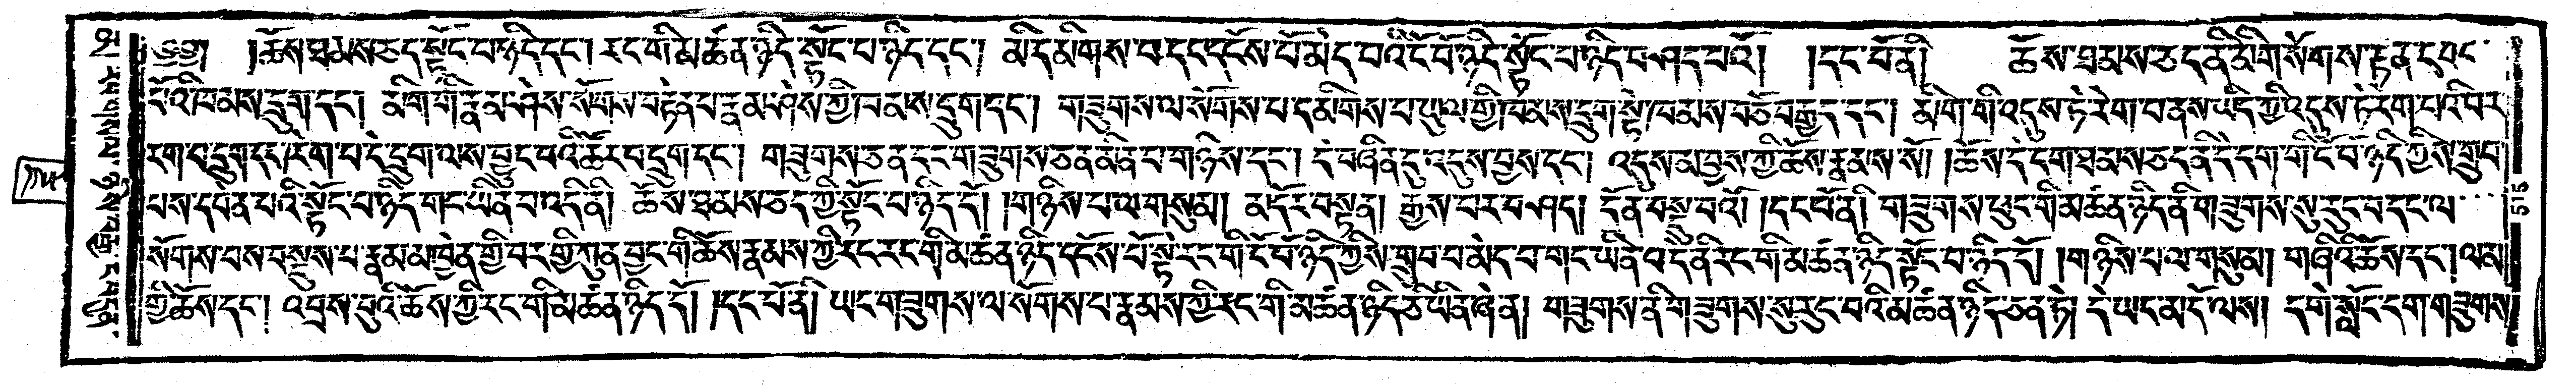༄༅། །ཆོས་ཐམས་ཅད་སྟོང་པ་ཉིད་དང་། རང་གི་མཚན་ཉིད་སྟོང་པ་ཉིད་དང་། མི་དམིགས་པ་དང་དངོས་པོ་མེད་པའི་ངོ་བོ་ཉིད་སྟོང་པ་ཉིད་བཤད་པའོ། །དང་པོ་ནི། ཆོས་ཐམས་ཅད་ནི་མིག་སོགས་རྟེན་དབང་
པོའི་ཁམས་དྲུག་དང་། མིག་གི་རྣམ་ཤེས་སོགས་བརྟེན་པ་རྣམ་ཤེས་ཀྱི་ཁམས་དྲུག་དང་། གཟུགས་ལ་སོགས་པ་དམིགས་པ་ཡུལ་གྱི་ཁམས་དྲུག་སྟེ་ཁམས་བཅོ་བརྒྱད་དང་། མིག་གི་འདུས་ཏེ་རེག་པ་ནས་ཡིད་ཀྱི་འདུས་ཏེ་རེག་པའི་བར་
རེག་པ་དྲུག་དང་། རེག་པ་དེ་དྲུག་ལས་བྱུང་བའི་ཚོར་བ་དྲུག་དང་། གཟུགས་ཅན་དང་གཟུགས་ཅན་མིན་པ་ཉིད་དང་། དེ་བཞིན་དུ་འདུས་བྱས་དང་། འདུས་མ་བྱས་ཀྱི་ཆོས་རྣམས་སོ། །ཆོས་དེ་དག་ཐམས་ཅད་ནི་དེ་དག་གི་ངོ་བོ་ཉིད་ཀྱིས་གྲུབ་
པས་དབེན་པའི་སྟོང་པ་ཉིད་གང་ཡིན་པ་འདི་ནི། ཆོས་ཐམས་ཅད་ཀྱི་སྟོང་པ་ཉིད་དོ། །གཉིས་པ་ལ་གསུམ། མདོར་བསྟན། རྒྱས་པར་བཤད། དོན་བསྡུ་བའོ། །དང་པོ་ནི། གཟུགས་ཕུང་གི་མཚན་ཉིད་ནི་གཟུགས་སུ་རུང་བ་དང་ལ་
སོགས་པས་བསྡུས་པ་རྣམ་མཁྱེན་གྱི་བར་གྱི་ཀུན་བྱང་གི་ཆོས་རྣམས་ཀྱི་རང་རང་གི་མཚན་ཉིད་དངོས་པོ་སྟེ་རང་གི་ངོ་བོ་ཉིད་ཀྱིས་གྲུབ་པ་མེད་པ་གང་ཡིན་པ་དེ་ནི་རང་གི་མཚན་ཉིད་སྟོང་པ་ཉིད་དོ། །གཉིས་པ་ལ་གསུམ། གཞིའི་ཆོས་དང་། ལམ་
གྱི་ཆོས་དང་། འབྲས་བུའི་ཆོས་ཀྱི་རང་གི་མཚན་ཉིད་དོ། །དང་པོ་ནི། ཡང་གཟུགས་ལ་སོགས་པ་རྣམས་ཀྱི་རང་གི་མཚན་ཉིད་ཅི་ཡིན་ཞེ་ན། གཟུགས་ནི་གཟུགས་སུ་རུང་བའི་མཚན་ཉིད་ཅན་ཏེ། དེ་ཡང་མདོ་ལས། དགེ་སློང་དག་གཟུགས་